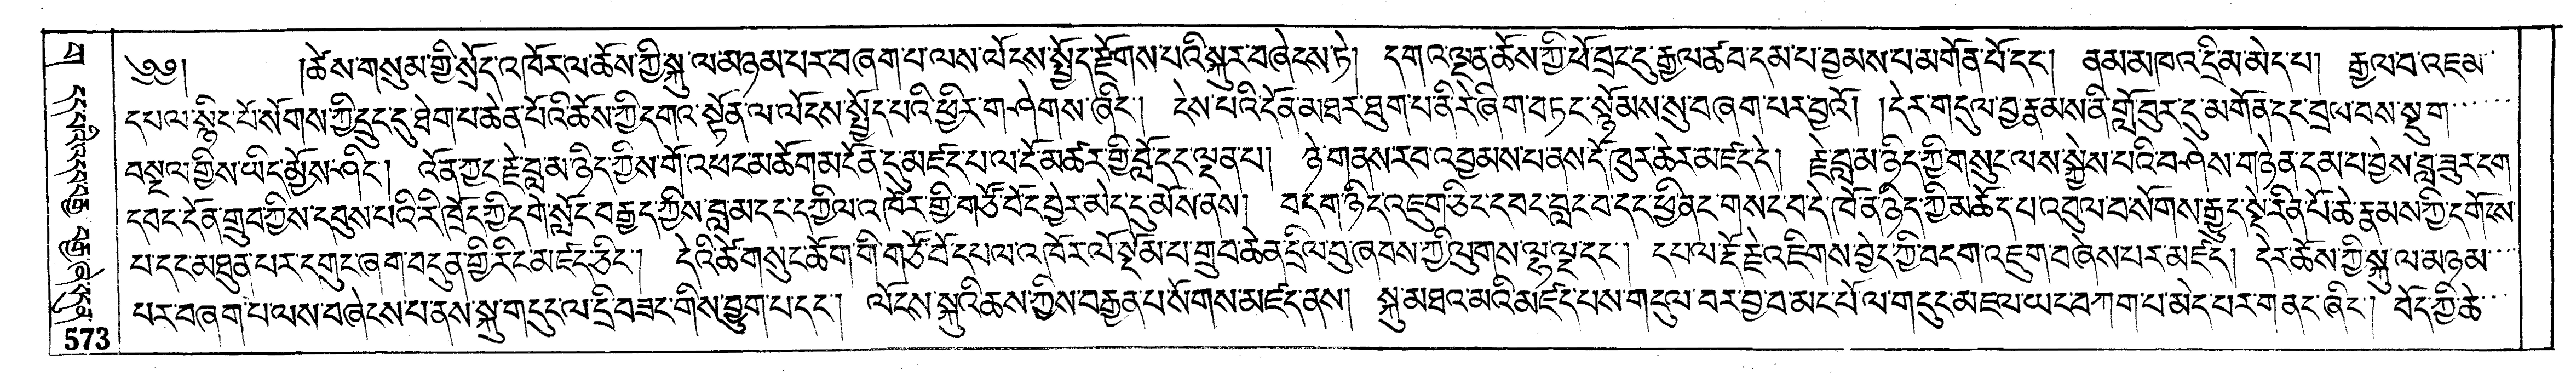༄༅། །ཚེས་གསུམ་གྱི་སྲོང་འཁོར་ལ་ཆོས་ཀྱི་སྐུ་ལ་མཉམ་པར་བཞག་པ་ལས་ལོངས་སྤྱོད་རྫོགས་པའི་སྐུར་བཞེངས་ཏེ། དགའ་ལྡན་ཆོས་ཀྱི་ཕོ་བྲང་དུ་རྒྱལ་ཚབ་དམ་པ་བྱམས་པ་མགོན་པོ་དང་། ནམ་མཁའ་དྲི་ཨམ་མེད་པ། རྒྱལ་བ་འཇམ་
དཔལ་སྙིང་པོ་སོགས་ཀྱི་དྲུང་དུ་ཐེག་པ་ཆེན་པོའི་ཆོས་ཀྱི་དགའ་སྟོན་ལ་ལོངས་སྤྱོད་པའི་ཕྱིར་གཤེགས་ཤིང་། ངེས་པའི་དོན་མཐར་ཐུག་པ་ནི་རེ་ཞིག་བཏང་སྙོམས་སུ་བཞག་པར་བྱའོ། །དེར་གདུལ་བྱ་རྣམས་ནི་གློ་བུར་དུ་མགོན་དང་བྲལ་བས་སྡུག་
བསྔལ་གྱི་ཡིད་མྱོས་ཤིང་། འོན་ཀྱང་རྗེ་བླ་མ་ཉིད་ཀྱིས་གོ་འཕང་མཆོག་མངོན་དུ་མཛད་པ་ལ་ངོ་མཚར་གྱི་བློ་དང་ལྡན་པ། ཉེ་གནས་རབ་འབྱམས་པ་ནས་དོ་ཁུར་ཆེར་མཛད་དེ། རྗེ་བླ་མ་ཉིད་ཀྱི་གསུང་ལས་སྐྱེས་པའི་བཤེས་གཉེན་དམ་པ་བྱེས་བླ་ཟུར་ངག་
དབང་དོན་གྲུབ་ཀྱིས་དབུས་པའི་རི་ཁྲོད་ཀྱི་དགེ་སློང་བརྒྱད་ཀྱིས་བླ་མ་དང་དཀྱིལ་འཁོར་གྱི་གཙོ་བོ་དབྱེར་མེད་དུ་མོས་ནས། བདག་ཉིད་འཇུག་ཅིང་དབང་བླང་བ་དང་ཕྱི་ནང་གསང་བ་དེ་ཁོ་ན་ཉིད་ཀྱི་མཆོད་པ་འབུལ་བ་སོགས་རྒྱུད་སྡེ་རིན་པོ་ཆེ་རྣམས་ཀྱི་དགོངས་
པ་དང་མཐུན་པར་དགུང་ཞག་བདུན་གྱི་རིང་མཛད་ཅིང་། དེའི་ཚེ་གསུང་ཆོག་གི་གཙོ་བོ་དཔལ་འཁོར་ལོ་སྡོམ་པ་གྲུབ་ཆེན་དྲིལ་བུ་ཞབས་ཀྱི་ལུགས་ལྷ་ལྔ་དང་། དཔལ་རྡོ་རྗེ་འཇིགས་བྱེད་ཀྱི་བདག་འཇུག་བཞེས་པར་མཛད། དེར་ཆོས་ཀྱིས་ཀུ་ལ་མཉམ་
པར་བཞག་པ་ལས་བཞེངས་པ་ནས་སྐུ་གདུངས་ལ་དྲི་བཟང་གིས་བྱུག་པ་དང་། ལོངས་སྐུའི་ཆས་ཀྱིས་བརྒྱན་པ་སོགས་མཛད་ནས། སྐུ་མཐའ་མའི་མཛད་པས་གདུལ་བར་བྱ་བ་མང་པོ་ལ་གདུང་མཇལ་ཡང་བཀག་པ་མེད་པར་གནང་ཤིང་། བོད་ཀྱི་ཆེ་